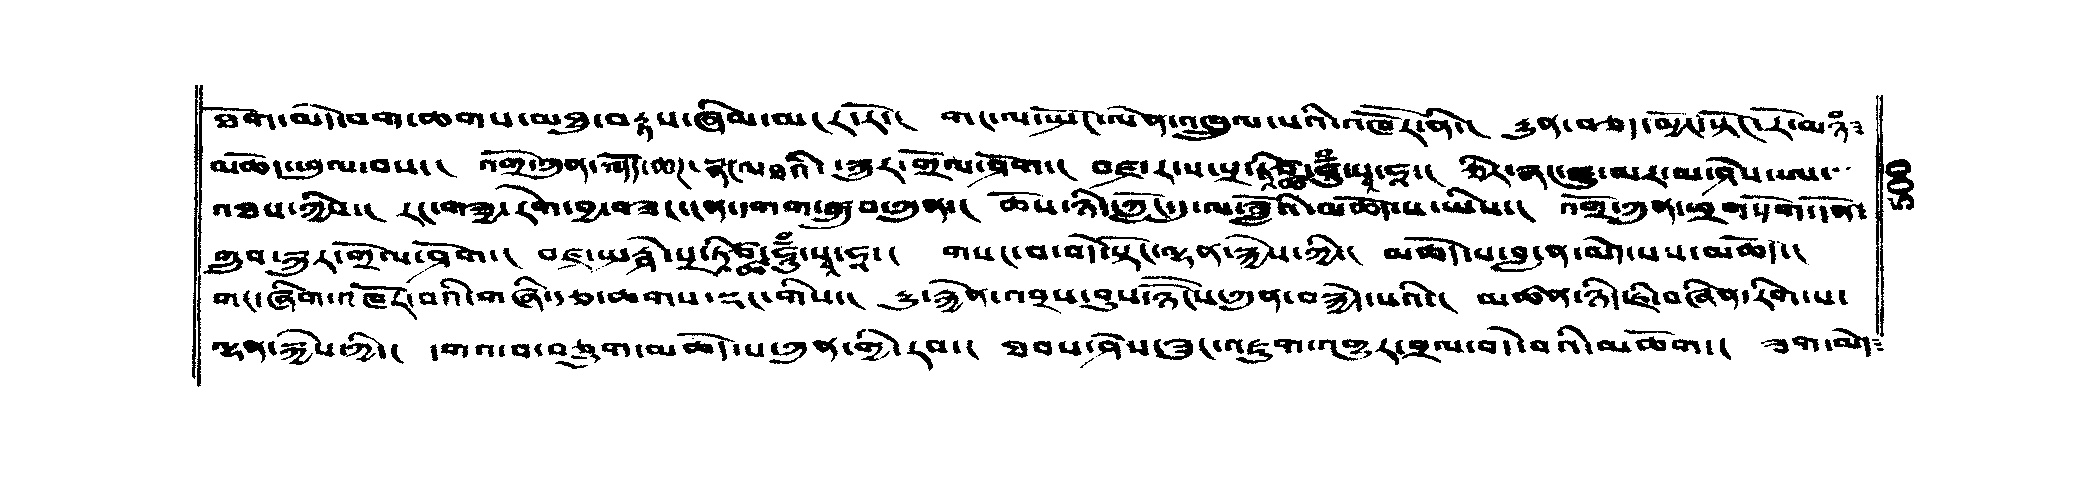ཐོག་མཐའ་བག་ཆགས་མཐུ་བརྟས་ཞིམ་མངར་རོ། གང་ལ་སྤོང་ལེན་འཁྲུལ་པའི་འཁོར་ལོ་ནི། རྒྱུན་ཆད་མྱོང་སྟོང་རོ་མཉམ་
མཆོད་འབུལ་བས། །འགྲོ་ཀུན་འདོད་ཆགས་སྣང་མཐའི་སྐུར་གྲོལ་ཤོག་།བཛྲ་ར་ས་པྲ་ཏཱིཙྪ་སྭཱ་ཧཱ། ཅིར་སྣང་སྒྱུ་མར་མ་ཤེས་ཨ་
འཐས་ཀྱིས། རང་ལགཟུགས་རེག་བྱ་བཟང་ངན་དགག་སྒྲུབ་ཀུན། །ཆོས་ཉིད་ཀློང་དུ་ལ་ཟློའི་མཆོད་པ་ཡིས། །འགྲོ་ཀུན་ཕྲག་དོག་དོན་
གྲུབ་སྐུར་གྲོལ་ཤོག་།བཛྲ་སྤརྴེ་པྲ་ཏཱི་ཙྪ་སྭཱ་ཧཱ། །གསང་བ་བདེ་སྟོང་ལྷན་སྐྱེས་ཀྱི། །མཆོད་པ་བླ་ན་མེད་པས་མཆོད། །
གང་ཞིག་འཁོར་བའི་གཞི་རྩ་ཆགས་སྡང་ཆས་སྡང་གིས། །རྒྱུ་རྐྱེན་འབྲས་བུས་ཉོན་མོངས་ཀུན་བསྐྱེད་པའི། །མཚན་ཉིད་ཇི་བཞིན་རིག་པ་
ལྷན་སྐྱེས་ཀྱི། །དགའ་བ་བཅུ་དྲུག་མཆོད་པ་ཀུན་གྱི་རབ། །ཐབས་ཤེས་ཟུང་འཇུག་འགྱུར་བྲལ་བདེ་བའི་མཆོག་།ཟག་མེད་